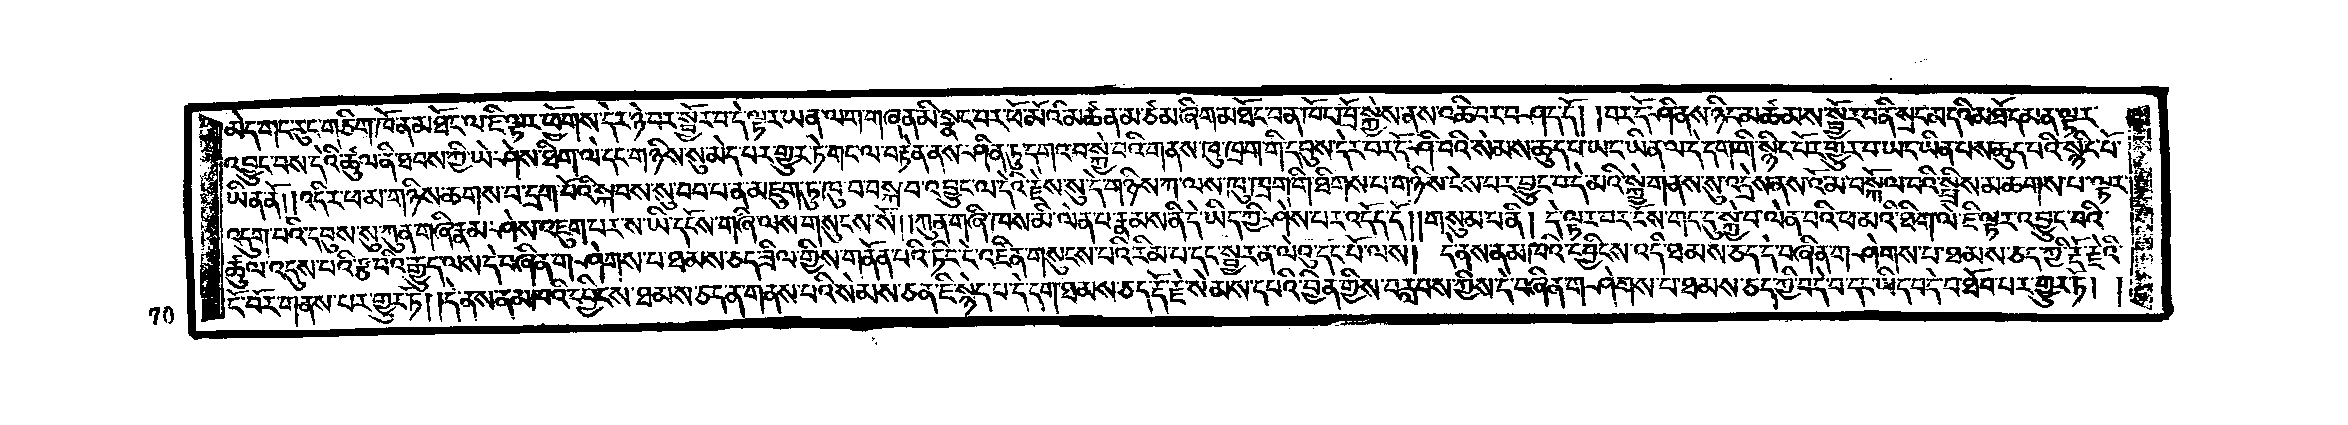མེད་གང་རུང་གཅིག་ཁོ་ན་མཐོང་ལ་ཇི་ལྟར་ཕྱོགས་དེར་ཉེ་བར་སྦྱོར་བ་དེ་ལྟར་ཡན་ལག་གཞན་མི་སྣང་བར་ཕོ་མོའི་མཚན་མ་ཙམ་ཞིག་མཐོང་བ་ན་ཁོང་ཁྲོ་སྐྱེས་ནས་འཆི་བར་བཤད་དོ། །བར་དོ་ཤི་ནས་ཉིང་མཚམས་སྦྱོར་བ་ནི་སྲང་མདའི་མཐོ་དམན་ལྟར་
འབྱུང་བས་དེའི་ཚུལ་ནི་ཐབས་ཀྱི་ཡེ་ཤེས་ཐིག་ལེ་དང་གཉིས་སུ་མེད་པར་གྱུར་ཏེ་གང་ལ་བརྟེན་ནས་ཤིན་ཏུ་དགའ་བ་སྐྱེ་བའི་གནས་ཁུ་ཁྲག་གི་དབུས་དེར་བར་དོ་ཤི་བའི་སེམས་ཆུད་པ་ཡང་ཡིན་ལ་དེ་དག་གི་སྙིང་པོར་གྱུར་པ་ཡང་ཡིན་པས་ཆུད་པའི་སྙིང་པོ་
ཡིན་ནོ། །འདིར་ཕ་མ་གཉིས་ཆགས་པ་དྲག་པོའི་སྐབས་སུ་བབ་པ་ན་མཇུག་ཏུ་ཁུ་བ་བསྐ་བ་འབྱུང་ལ་དེའི་རྗེས་སུ་དེ་གཉིས་ཀ་ལས་ཁུ་ཁྲག་གི་ཐིགས་པ་གཉིས་ངེས་པར་བྱུང་བ་དེ་མའི་སྐྱེ་གནས་སུ་འདྲེས་ནས་འོ་མ་བསྐོལ་བའི་སྤྲིས་མ་ཆགས་པ་ལྟར་
འདུག་པའི་དབུས་སུ་ཀུན་གཞི་རྣམ་ཤེས་འཇུག་པར་ས་ཡི་དངོས་གཞི་ལས་གསུངས་སོ། །ཀུན་གཞི་ཁས་མི་ལེན་པ་རྣམས་ནི་དེ་ཡིད་ཀྱི་ཤེས་པར་འདོད་དོ། །གསུམ་པ་ནི། དེ་ལྟར་བར་དོས་གང་དུ་སྐྱེ་བ་ལེན་པའི་ཕ་མའི་ཐིག་ལེ་ཇི་ལྟར་འབྱུང་བའི་
ཚུལ་འདུས་པའི་རྩ་བའི་རྒྱུད་ལས་དེ་བཞིན་གཤེགས་པ་ཐམས་ཅད་ཟིལ་གྱིས་གནོན་པའི་ཏིང་ངེ་འཛིན་གསུངས་པའི་རིམ་པ་དང་སྦྱར་ན་ལེའུ་དང་པོ་ལས། དེ་ནས་ནམ་མཁའི་དབྱིངས་འདི་ཐམས་ཅད་དེ་བཞིན་གཤེགས་པ་ཐམས་ཅད་ཀྱི་རྡོ་རྗེའི་
ངོ་བོར་གནས་པར་གྱུར་ཏོ། །དེ་ནས་ནམ་མཁའི་དབྱིངས་ཐམས་ཅད་ན་གནས་པའི་སེམས་ཅན་ཇི་སྙེད་པ་དེ་དག་ཐམས་ཅད་རྡོ་རྗེ་སེམས་དཔའི་བྱིན་གྱིས་བརླབས་ཀྱིས་དེ་བཞིན་གཤེགས་པ་ཐམས་ཅད་ཀྱི་བདེ་བ་དང་ཡིད་བདེ་བ་ཐོབ་པར་གྱུར་ཏོ། །